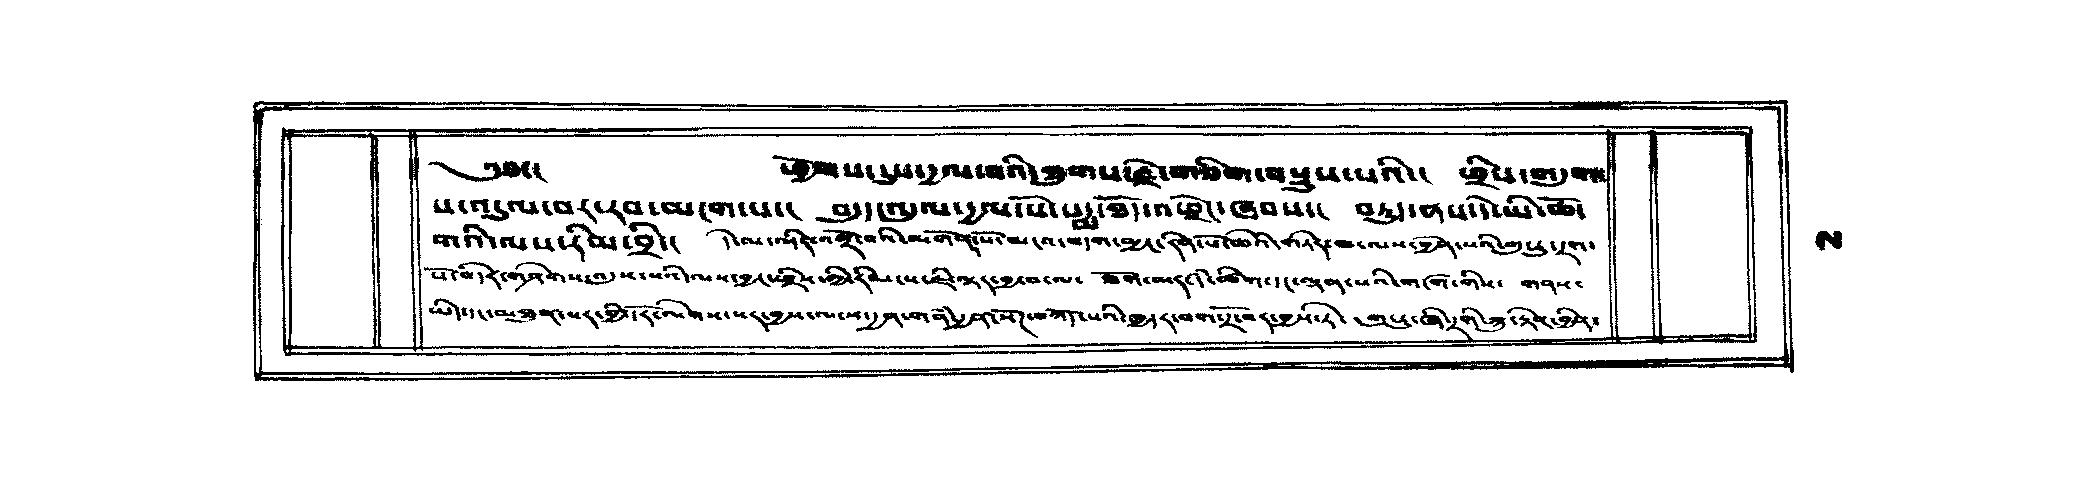ཕྱོགས་དུས་རྒྱལ་བའི་ཐུགས་རྗེ་གཅིག་བསྡུས་པའི། །ཕྲིན་ལས་གདུག་
པ་འདུལ་བར་རབ་མངགས་པ། །བདུལ་འདུལ་དྲག་པོ་པདྨ་ཐོད་ཕྲེང་ཞབས། །བཏུད་ནས་དེ་ཡི་ཆོ་
གའི་ལས་རིམ་བྲི། དེ་ལ་འདིར་འགྲོ་བའི་མགོན་པོ་མངའ་བདག་མྱང་རིན་པོ་ཆེའི་གཏེར་ཁ་ལས་བྱིན་པའི་གུ་རུ་དྲག་
པོ་བདེར་བཤེགས་འདུས་པའི་ལས་བྱང་ཕྲིན་ལས་ཀྱི་རིམ་པ་ཇི་ལྟར་བྱ་བ་ལ། ཐོག་མར་དམ་ཚིག་དང་ལྡན་པའི་གདམས་ངག་གིས། གནས་
ཡིད་དང་མཐུན་པར་བྱི་དོར་ལེགས་པར་བྱས་ལ་ས་རྒྱན་གནམ་རྒྱན་སོགས་བཀོད་པའི་ཁྱད་པར་བག་དྲོ་པར་བྱས་ཏེ། གུ་རུ་ཞི་དྲག་གི་སྐུ་རྟེན་བྱིན་